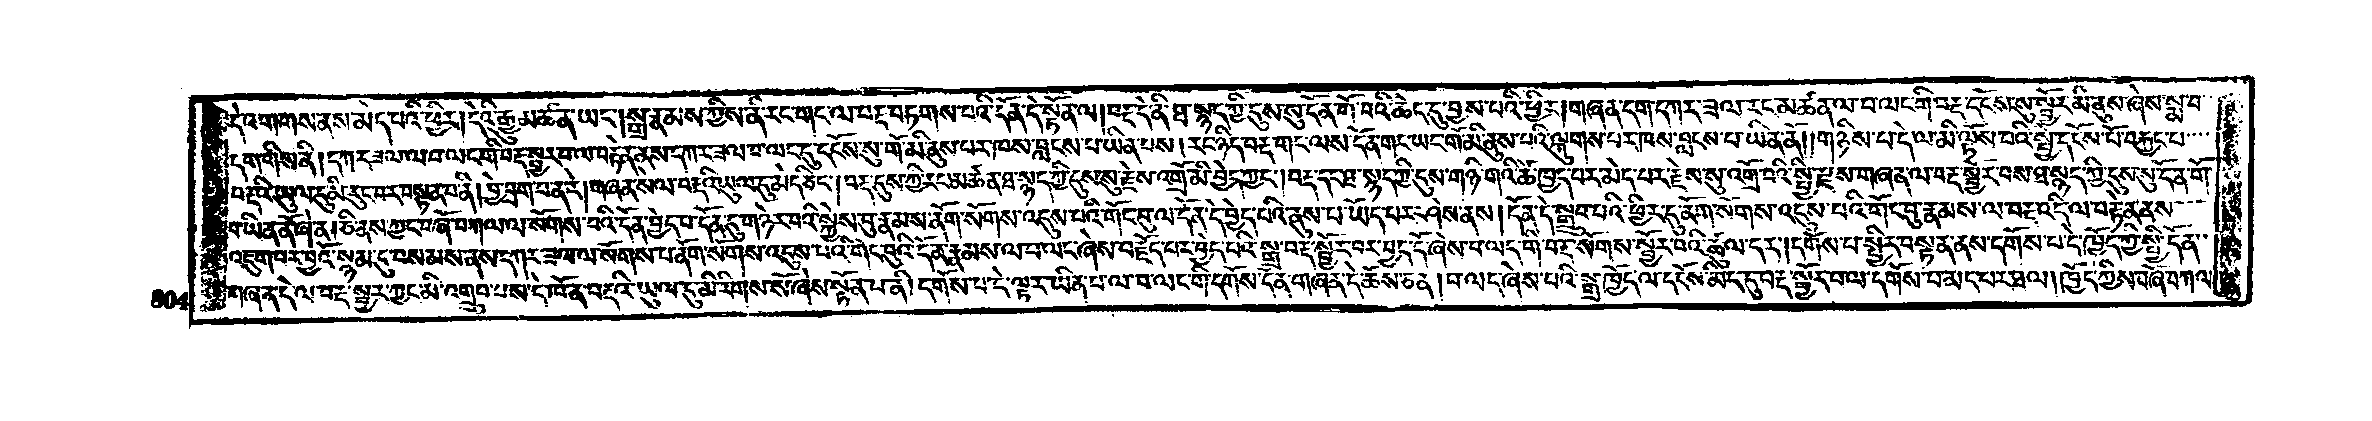དེ་འགགས་ནས་མེད་པའི་ཕྱིར། དེའི་རྒྱུ་མཚན་ཡང་། སྒྲ་རྣམས་ཀྱིས་ནི་རང་གང་ལ་བརྡ་བཏགས་པའི་དོན་དེ་སྟོན་ལ། བརྡ་དེ་ནི་ཐ་སྙད་ཀྱི་དུས་སུ་དོན་གོ་བའི་ཆེད་དུ་བྱས་པའི་ཕྱིར། གཞན་དག་དཀར་ཟལ་རང་མཚན་ལ་བ་ལང་གི་བརྡ་དངོས་སུ་སྦྱོར་མི་ནུས་ཞེས་སྨ་བ་
དག་གིས་ནི། དཀར་ཟལ་ལ་བ་ལང་གི་བརྡ་སྦྱར་བ་ལ་བརྟེན་ནས་དཀར་ཟལ་བ་ལང་དུ་དངོས་སུ་གོ་མི་ནུས་པར་ཁས་བླངས་པ་ཡིན་པས། རང་ཉིད་བརྡ་གང་ལས་དོན་གང་ཡང་གོ་མི་ནུས་པའི་ལྐུགས་པར་ཁས་བླངས་པ་ཡིན་ནོ། །གཉིས་པ་དེ་ལ་མི་ལྟོས་པའི་སྤྱི་དངོས་པོ་བརྐྱང་པ་
བརྡའི་ཡུལ་དུ་མི་རུང་བར་བསྟན་པ་ནི། བྱེ་བྲག་པ་ན་རེ། གཞན་སེལ་བརྡའི་ཡུལ་དུ་མེད་ཅིང་། བརྡ་དུས་ཀྱི་རང་མཚན་ཐ་སྙད་ཀྱི་དུས་སུ་རྗེས་འགྲོ་མི་བྱེད་ཀྱང་། བརྡ་དང་ཐ་སྙད་ཀྱི་དུས་གཉི་གའི་ཚེ་ཁྱད་པར་མེད་པར་རྗེས་སུ་འགྲོ་བའི་སྤྱི་རྫས་གཞན་ལ་བརྡ་སྦྱོར་བས་ཐ་སྙད་ཀྱི་དུས་སུ་དོན་གོ་
བ་ཡིན་ནོ་ཞེ་ན། ཅི་ནས་ཀྱང་བཞོལ་བཀལ་ལ་སོགས་པའི་དོན་བྱེད་པ་དོན་དུ་གཉེར་བའི་སྐྱེས་བུ་རྣམས་ནོག་སོགས་འདུས་པའི་གོང་བུ་ལ་དོན་དེ་བྱེད་པའི་ནུས་པ་ཡོད་པར་ཤེས་ནས། དོན་དེ་སྒྲུབ་པའི་ཕྱིར་དུ་ནོག་སོགས་འདུས་པའི་གོང་བུ་རྣམས་ལ་བརྡ་འདི་ལ་བརྟེན་ནས་
འཇུག་པར་བྱའོ་སྙམ་དུ་བསམས་ནས་དཀར་ཟལ་ལ་སོགས་པ་ནོག་སོགས་འདུས་པའི་གོང་བུའི་དོན་རྣམས་ལ་བ་ལང་ཞེས་བརྗོད་པར་བྱེད་པའི་སྒྲ་བརྡ་སྦྱོར་བར་བྱེད་དོ་ཞེས་བ་ལང་གི་བརྡ་སོགས་སྦྱོར་བའི་ཚུལ་དར། དགོས་པ་སྤྱིར་བསྟན་ནས་དགོས་པ་དེ་ཁྱོད་ཀྱི་སྤྱི་དོན་
གཞན་དེ་ལ་བརྡ་སྦྱར་ཀྱང་མི་འགྲུབ་པས་དེ་ཁོ་ན་བརྡའི་ཡུལ་དུ་མི་རིགས་སོ་ཞེས་སྟོན་པ་ནི། དགོས་པ་དེ་ལྟར་ཡིན་པ་ལ་བ་ལང་གི་དགོས་དོན་གཞན་དེ་ཆོས་ཅན། བ་ལང་ཞེས་པའི་སྒྲ་ཁྱོད་ལ་དངོས་མིང་དུ་བརྡ་སྦྱོར་བ་ལ་དགོས་པ་མེད་པར་ཐལ། ཁྱོད་ཀྱིས་བཞོ་བཀལ་